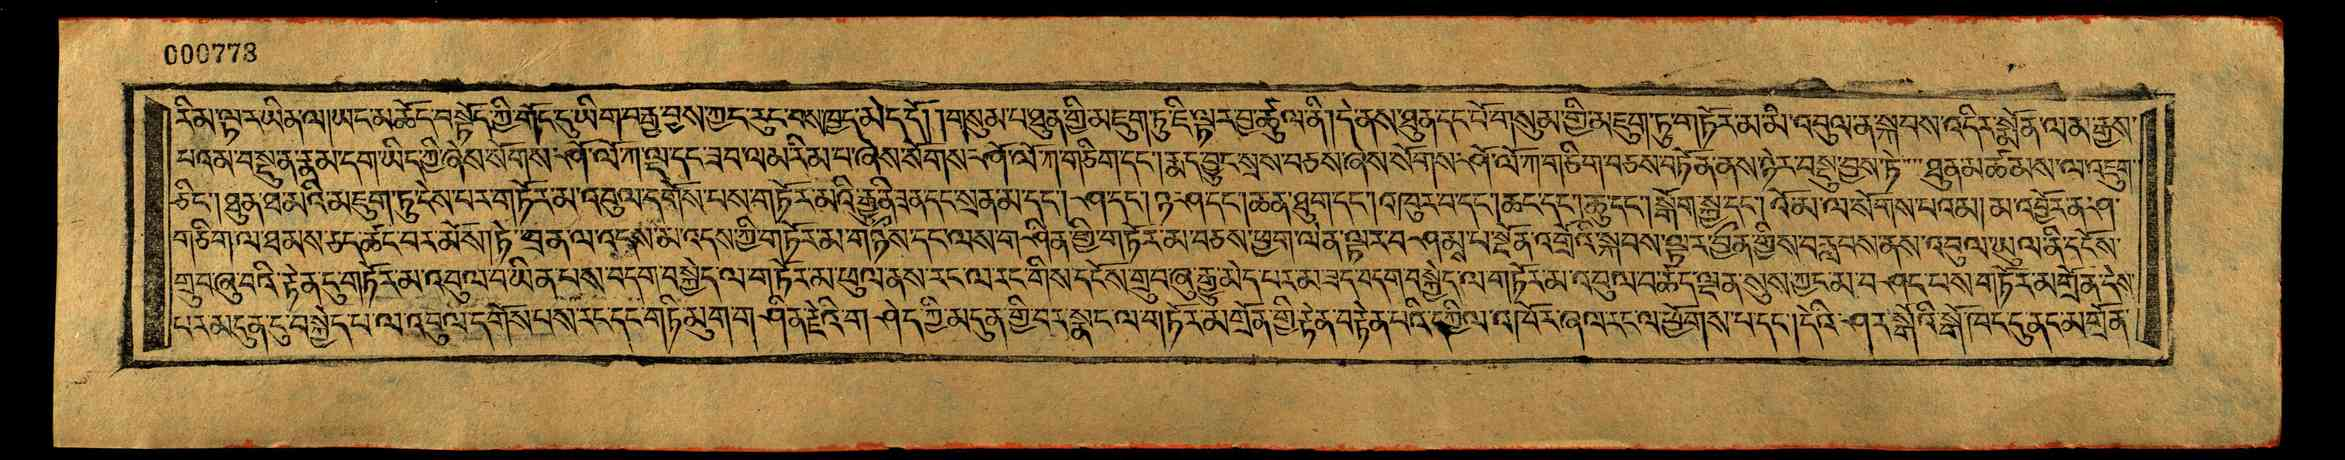རིམ་ལྟར་ཡིན་ལ། ཡང་མཆོད་བསྟོད་ཀྱི་གོང་དུ་ཡིག་བརྒྱ་བྱས་ཀྱང་རུང་བས་ཁྱད་མེད་དོ། །གསུམ་པ་ཐུན་གྱི་མཇུག་ཏུ་ཇི་ལྟར་བྱ་ཚུལ་ནི། དེ་ནས་ཐུན་དང་པོ་གསུམ་གྱི་མཇུག་ཏུ་གཏོར་མ་མི་འབུལ་ན་སྐབས་འདིར་སྨོན་ལམ་རྒྱས་
པའམ་བསྡུ་ན་རྣམ་དག་ཡིད་ཀྱི་ཞེས་སོགས་ཤོ་ལོ་ཀ་ལྔ་དང་ཟབ་ལམ་རིམ་པ་ཞེས་སོགས་ཤོ་ལོ་ཀ་གཅིག་དང་། རྨད་བྱུང་སྲས་བཅས་ཞེས་སོགས་ཤོ་ལོ་ཀ་གཅིག་བཅས་བཏོན་ནས་ཉེར་བསྡུ་བྱས་ཏེ་ཐུན་མཚམས་ལ་འཇུག་
ཅིང་། ཐུན་ཐ་མའི་མཇུག་ཏུ་ངེས་པར་གཏོར་མ་འབུལ་དགོས་པས་གཏོར་མའི་རྒྱུ་ནི་ཟན་དང་སྲན་མ་དང་། ཤ་དང་། ཉ་ཤ་དང་། ཆན་ཐུག་དང་། འཁུར་བ་དང་། ཆང་དང་། ཆུ་དང་། སྒོག་སྐྱ་དང་། འོ་མ་ལ་སོགས་པའམ། མ་འབྱོར་ན་ཤ་
གཅིག་ལ་ཐམས་ཅད་ཚད་བར་མོས་ཏེ་ཟན་ལ་འདས་མ་འདས་ཀྱི་གཏོར་མ་གཉིས་དང་ལས་གཤིན་གྱི་གཏོར་མ་བཅས་ཕྱག་ལེན་ལྟར་བཤམས་པ་སྔོན་འགྲོའི་སྐབས་ལྟར་བྱིན་གྱིས་བརླབས་ནས་འབུལ་ཡུལ་ནི་དངོས་
གྲུབ་ཞུ་བའི་རྟེན་དུ་གཏོར་མ་འབུལ་བ་ཡིན་པས་བདག་བསྐྱེད་ལ་གཏོར་མ་ཕུལ་ནས་རང་ལ་རང་གིས་དངོས་གྲུབ་ཞུ་རྒྱུ་མེད་པར་མ་ཟད་བདག་བསྐྱེད་ལ་གཏོར་མ་འབུལ་བ་ཚད་ལྡན་སུས་ཀྱང་མ་བཤད་པས་གཏོར་མགྲོན་ངེས་
པར་མདུན་དུ་བསྐྱེད་པ་ལ་འབུལ་དགོས་པས་རང་དང་གཏི་མུག་གཤིན་རྗེའི་གཤེད་ཀྱི་མདུན་གྱི་བར་སྣང་ལ་གཏོར་མགྲོན་གྱི་རྟེན་བརྟེན་པའི་དཀྱིལ་འཁོར་ཞལ་རང་ལ་ཕྱོགས་པ་དང་། དེའི་ཤར་སྒོའི་སྒོ་ཁང་དུ་ནང་མགྲོན་